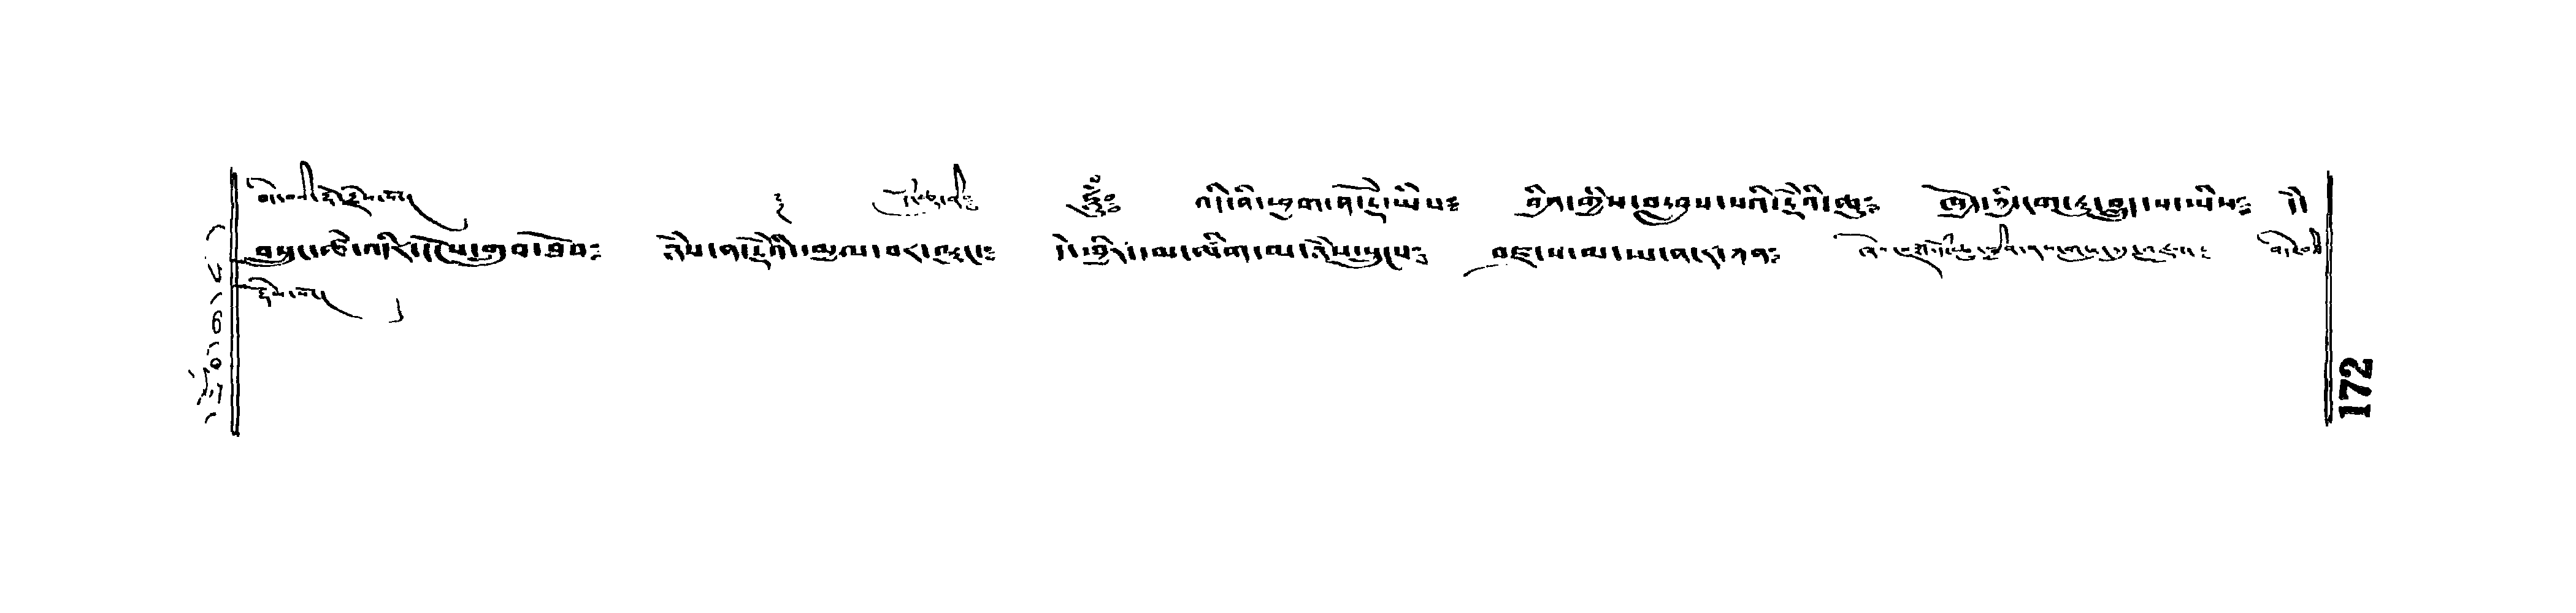བདེ་བའི་རྡོ་རྗེས་སོ། ༈ དམ་ཆུ་ནི༔ ཧཱུྃ༔ འདི་ནི་ཕྱག་ན་རྡོ་རྗེ་ཡིས༔ བྱིན་གྱིས་བརླབས་པའི་རྡོ་རྗེའི་ཆུ༔ ཁྱོད་ཀྱི་ངག་ཏུ་བླུད་པ་ཡིས༔ དམ་
བསྲུང་ཚེ་འདིར་དངོས་གྲུབ་ཐོབ༔ ཉམས་ན་རྡོ་རྗེའི་དམྱལ་བར་ལྷུང༔ དེ་ཕྱིར་དམ་ཚིག་མ་ཉམས་སྲུངས༔ བཛྲ་ས་མ་ཡ་ན་ར་ཀན༔ཞེས་བརྗོད་དམ་ཆུ་སྦྱིན་ནས་གཞུང་དུ་འཇུག༔ བདེ་བའི་
རྡོ་རྗེས་སོ།